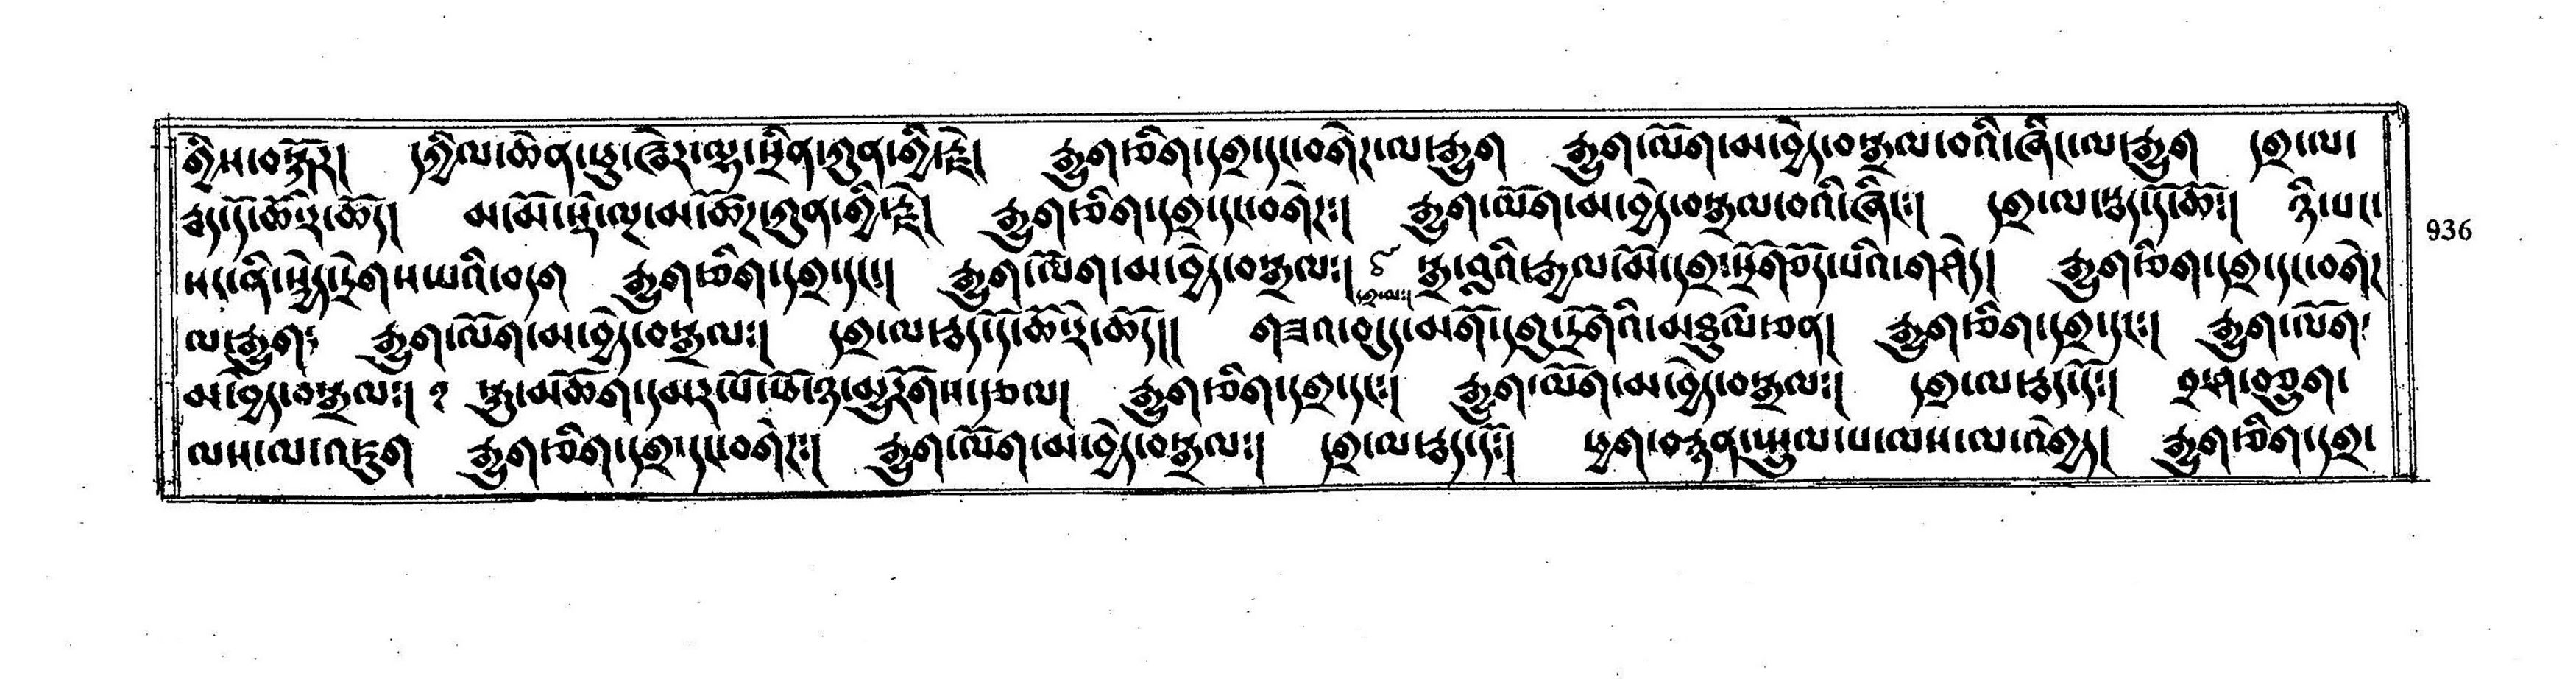གྱིས་བསྐོར། དཀྱིལ་ཆེན་ཕུ་ཝེར་ལྷ་སྲིན་ཀུན་གྱི་རྗེ། རྒྱུག་ཅིག་དགྲ་དང་བགེགས་ལ་རྒྱུག རྒྱུག་ལོག་མ་བྱེད་བསྒྲལ་བའི་ཞིང་ལ་རྒྱུག དགྲ་ལ་
རྦད་དོ་ཆོ་རེ་ཆོད། མ་མོ་སྡེ་ལྔ་མ་ཚོགས་ཀུན་གྱི་རྗེ། རྒྱུག་ཅིག་དགྲ་དང་བགེགས༴། རྒྱུག་ལོག་མ་བྱེད་བསྒྲལ་བའི་ཞིང་༴། དགྲ་ལ་སྦད་དོ་ཆོ༴། ཉི་པང་
སད་ནི་སྡེ་བརྒྱད་དྲེགས་པའི་བདག རྒྱུག་ཅིག་དགྲ་དང་༴། རྒྱུག་ལོག་མ་བྱེད་བསྒྲལ༴། དགྲ་ལ༴། སྒྲ་བླའི་རྒྱལ་མོ་དགྲ་སྲོག་གཅོད་པའི་གཤེད། རྒྱུག་ཅིག་དགྲ་དང་བགེགས་
ལ་རྒྱུག༴ རྒྱུག་ལོག་མ་བྱེད་བསྒྲལ༴། དགྲ་ལ་རྦད་དོ་ཆོ་རེ་ཆོད།། གཟའ་བདུད་མགོ་དགུ་དྲག་པོའི་མཐུ་རྩལ་ཅན། རྒྱུག་ཅིག་དགྲ་དང་༴། རྒྱུག་ལོག་
མ་བྱེད་བསྒྲལ༴། ? སྐུ་མཆོག་དམར་པོ་ཕོ་ཉ་མྱུར་མགྱོགས་རྩལ། རྒྱུག་ཅིག་དགྲ་དང་༴། རྒྱུག་ལོག་མ་བྱེད་བསྒྲལ༴། དགྲ་ལ་རྦད་དོ༴། བྲ་ཤ་བཅུ་དྲུག་
ལས་ལ་འཇུག.རྒྱུག་ཅིག་དགྲ་དང་བགེགས༴། རྒྱུག་ལོག་མ་བྱེད་བསྒྲལ༴། དགྲ་ལ་རྦད་དོ༴། ཕྱག་བརྙན་སྤྲུལ་པ་ལས་ལ་འགྱེད། རྒྱུག་ཅིག་དགྲ་